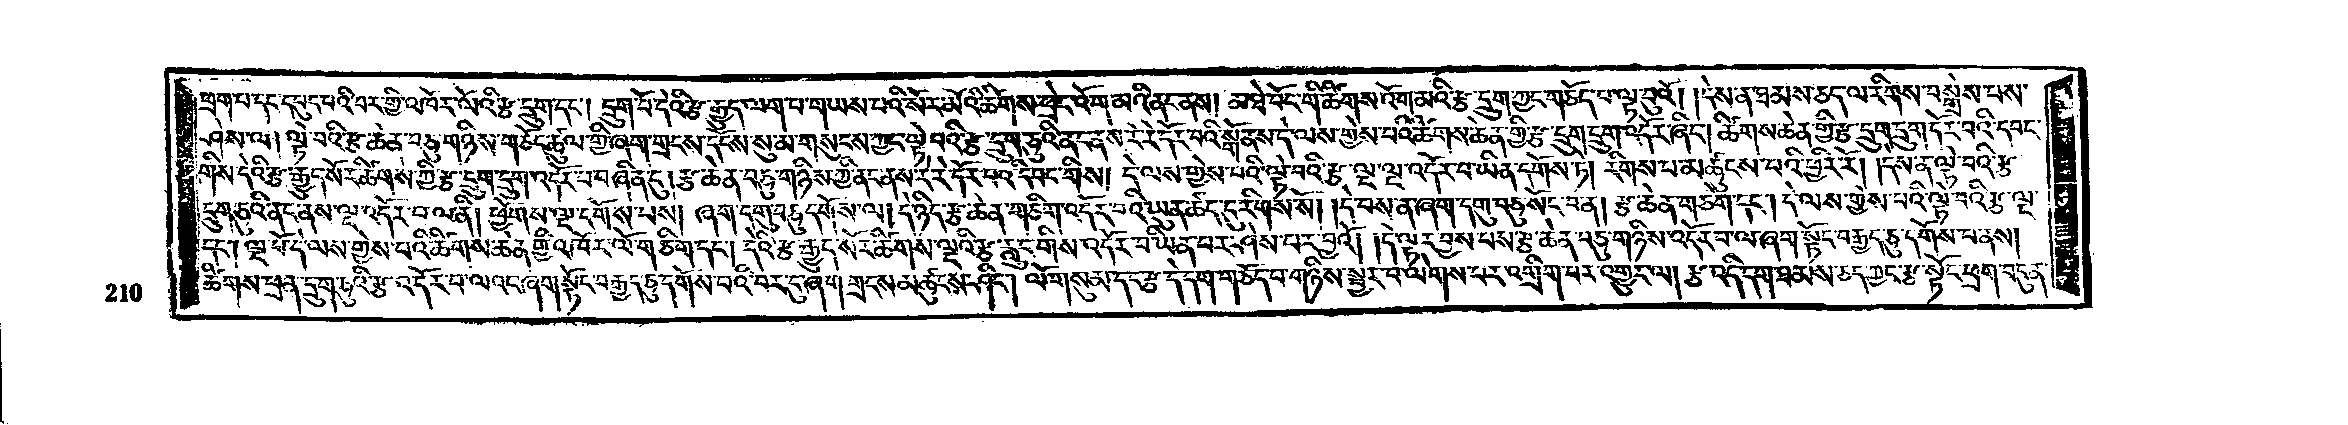ཕྲག་པ་དང་དཔུང་པའི་བར་གྱི་འཁོར་ལོའི་རྩ་དྲུག་དང་། དྲུག་པོ་དེའི་རྩ་རྒྱུད་ལག་པ་གཡས་པའི་སོར་མོའི་ཚིགས་ཕྲེང་འོག་མའི་ནང་ནས། མཐེ་བོང་གི་ཚིགས་འོག་མའི་རྩ་དྲུག་ཀྱང་གཅོད་པ་ལྟ་བུའོ། །དེས་ན་ཐམས་ཅད་ལ་རིགས་བསྒྲེས་པས་
ཤེས་ལ། ལྟེ་བའི་རྩ་ཆེན་བཅུ་གཉིས་གཅོད་ཚུལ་གྱི་ཞག་གྲངས་དངོས་སུ་མ་གསུངས་ཀྱང་ལྟེ་བའི་རྩ་དྲུག་ཅུའི་ནང་ནས་རེ་རེ་དོར་བའི་སྒོ་ནས་དེ་ལས་གྱེས་པའི་ཚིགས་ཆེན་གྱི་རྩ་དྲུག་དྲུག་འདོར་ཞིང་། ཚིགས་ཆེན་གྱི་རྩ་དྲུག་དྲུག་དོར་བའི་དབང་
གིས་དེའི་རྩ་རྒྱུད་སོར་ཚིགས་ཀྱི་རྩ་དྲུག་དྲུག་འདོར་པ་བཞིན་དུ། རྩ་ཆེན་བཅུ་གཉིས་ཀྱི་ནང་ནས་རེ་རེ་དོར་བའི་དབང་གིས། དེ་ལས་གྱེས་པའི་ལྟེ་བའི་རྩ་ལྔ་ལྔ་འདོར་བ་ཡིན་དགོས་ཏེ། རིགས་པ་མཚུངས་པའི་ཕྱིར་རོ། །དེས་ན་ལྟེ་བའི་རྩ་
དྲུག་ཅུའི་ནང་ནས་ལྔ་འདོར་བ་ལ་ནི། ཕྱོགས་ལྔ་དགོས་པས། ཞག་དགུ་བཅུ་དགོས་ལ། དེ་ཉིད་རྩ་ཆེན་གཅིག་འདོར་བའི་ཡུན་ཚད་དུ་རིགས་སོ། །དེ་བས་ན་ཞག་དགུ་བཅུ་སོང་བ་ན། རྩ་ཆེན་གཅིག་དང་། དེ་ལས་གྱེས་པའི་ལྟེ་བའི་རྩ་ལྔ་
དང་། ལྔ་པོ་དེ་ལས་གྱེས་པའི་ཚིགས་ཆེན་གྱི་འཁོར་ལོ་གཅིག་དང་། དེའི་རྩ་རྒྱུད་སོར་ཚིགས་ལྔའི་རྩ་རླུང་གིས་འདོར་བ་ཡིན་པར་ཤེས་པར་བྱའོ། །དེ་ལྟར་བྱས་པས་རྩ་ཆེན་བཅུ་གཉིས་འདོར་བ་ལ་ཞག་སྟོང་བརྒྱད་ཅུ་དགོས་པ་ནས།
ཚིགས་ཕྲན་དྲུག་ཅུའི་རྩ་འདོར་བ་ལའང་ཞག་སྟོང་བརྒྱད་ཅུ་དགོས་པའི་བར་དུ་ཞག་གྲངས་མཚུངས་ཤིང་། ལོ་གསུམ་དང་རྩ་དེ་དག་གཅོད་པ་གཉིས་སྦྱར་བ་ལེགས་པར་འགྲིག་པར་འགྱུར་ལ། རྩ་འདི་དག་ཐམས་ཅད་ཀྱང་རྩ་སྟོང་ཕྲག་བདུན་